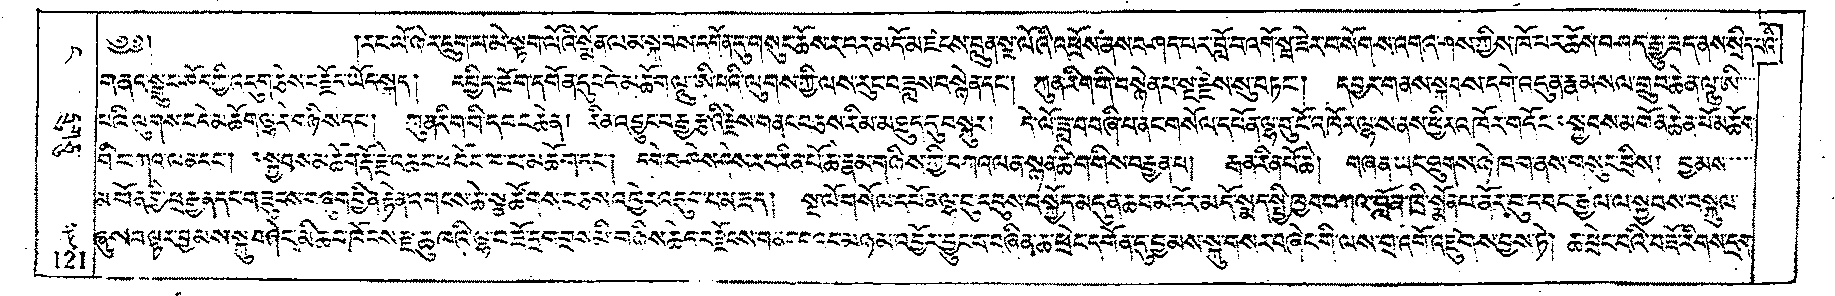༄༅། །རང་ལོ་ཉེར་དྲུག་པ་མེ་སྟག་ལོའི་སྨོན་ལམ་སྐབས་དགོན་དུ་གསུང་ཆོས་ར་བར་མདོ་མཛངས་བླུན་སྔ་ལོའི་འཕྲོས་ནས་བཤད་པར་བློ་བ་འགོ་སྦ་ཟེར་བ་སོགས་འགའ་ཤས་ཀྱིས་ཁོ་པར་ཆོས་བཤད་རྒྱུ་ཟད་ནས་སྲིད་པའི་
གནའ་སྒྲུང་ཤོད་ཀྱི་འདུག་ཅེས་བརྗོད་ཡོད་སྐད། དཔྱིད་ཐོག་དགོན་དུ་བདེ་མཆོག་ལཱུ་ཨི་པའི་ལུགས་ཀྱི་ལས་རུང་བཟླས་བསྙེན་དང་། ཀུན་རིག་གི་བསྙེན་པ་སྔ་རྗེས་སུ་བཏང་། དབྱར་གནས་སྐབས་དགེ་འདུན་རྣམས་ལ་གྲུབ་ཆེན་ལཱུ་ཨི་
པའི་ལུགས་བདེ་མཆོག་ལྷ་རེ་གཉིས་དང་། ཀུན་རིག་གི་དབང་ཆེན། རིན་འབྱུང་བརྒྱ་རྩའི་རྗེས་གནང་བཅས་རིམ་མཐུད་དུ་བསྐུར། དེ་ལོ་ཟླ་བ་བཞི་པ་ནང་གསོལ་དཔོན་ལྷ་བུ་ངོ་འཁོར་ལྷ་ས་ནས་ཕྱིར་འཁོར་གདོང་༧་སྐྱབས་མགོན་ཆེན་པོ་མཆོག་
གི་བཀའ་ལན་དང་། ༧་སྐྱབས་མཆོག་རྡོ་རྗེ་འཆང་ཕ་བོང་ཁ་པ་མཆོག་དང་། དགེ་བཤེས་ཤེས་རབ་རིན་པོ་ཆེ་རྣམ་གཉིས་ཀྱི་བཀའ་ལན་སྙན་ཚིག་གིས་བརྒྱན་པ། རྒན་རིན་པོ་ཆེ། གཞན་ཡང་ཐུགས་ཉེ་ཁག་ནས་གསུང་བྲིས། བྱམས་
མགོན་གྱི་ཕྲ་རྒྱན་དང་གཟུངས་གཞུག་བྱིན་རྟེན་འགངས་ཆེ་སྣ་ཚོགས་བཅས་འཁྱེར་འདུག་པ་མ་ཟད། སྔ་ལོ་གསོལ་དཔོན་ལྷ་བུ་དབུས་བསྐྱོད་མདུན་ཆབ་མདོར་མདོ་སྨད་སྤྱི་ཁྱབ་བཀའ་བློན་ཁྲི་སྨོན་པ་ནོར་བུ་དབང་རྒྱལ་ལ་སྐྱབས་བསྐུལ་
ཞུས་པ་ལྟར་བྱམས་སྐུ་བཞེངས་མི་ཆབ་ཁོངས་རྫ་ཆུ་ཁའི་ལྷ་བཟོ་དྲག་གྲས་མི་གཉིས་ཆེད་བརྫོངས་གནང་བའང་མཉམ་འབྱོར་བྱུང་བ་བཞིན་ཆ་ཕྲེང་དགོན་དུ་བྱམས་སྐུ་གསར་བཞེང་གི་ལས་གྲ་འགོ་འཛུགས་བྱས་ཏེ། ཆ་ཕྲེང་བའི་བཟོ་རིགས་དྲག་